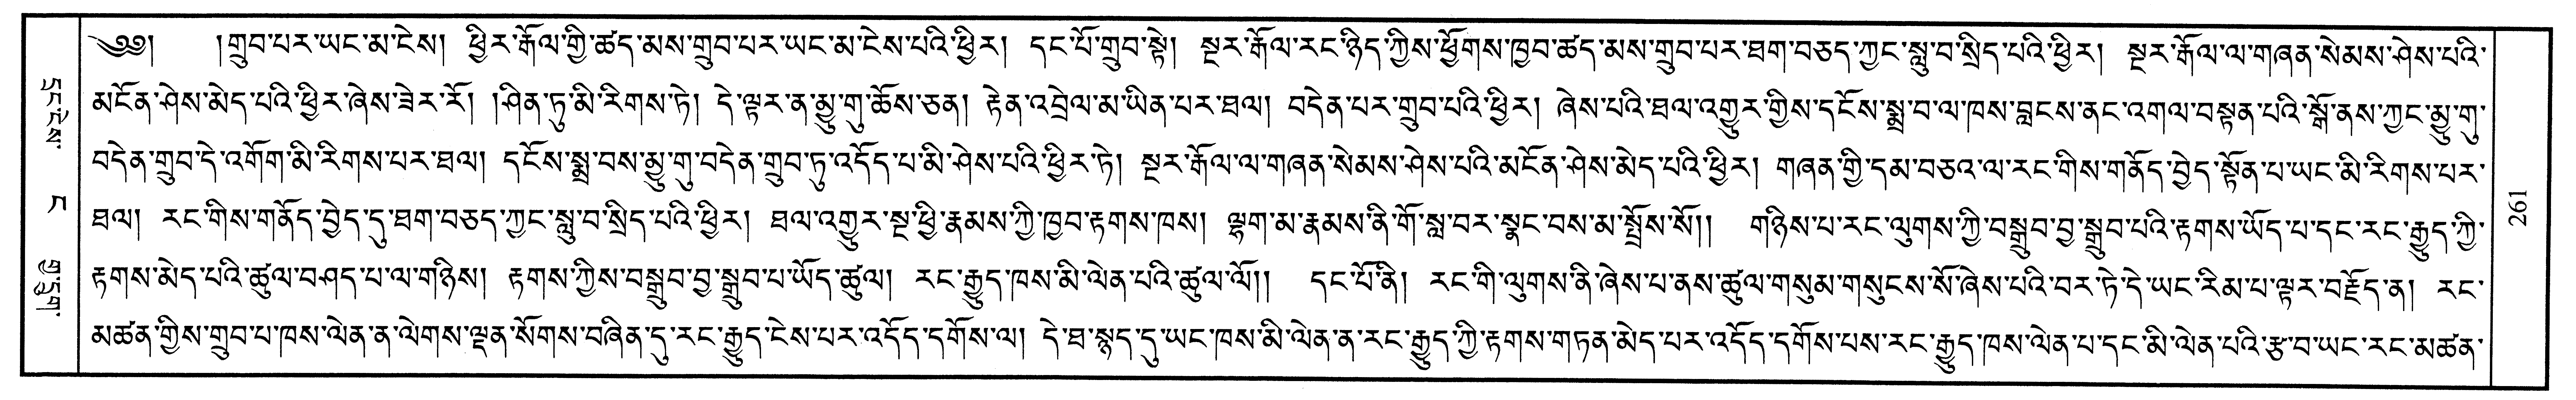༄༅། །གྲུབ་པར་ཡང་མ་ངེས། ཕྱིར་རྒོལ་གྱི་ཚད་མས་གྲུབ་པར་ཡང་མ་ངེས་པའི་ཕྱིར། དང་པོ་གྲུབ་སྟེ། སྔར་རྒོལ་རང་ཉིད་ཀྱིས་ཕྱོགས་ཁྱབ་ཚད་མས་གྲུབ་པར་ཐག་བཅད་ཀྱང་སླུ་བ་སྲིད་པའི་ཕྱིར། སྔར་རྒོལ་ལ་གཞན་སེམས་ཤེས་པའི་
མངོན་ཤེས་མེད་པའི་ཕྱིར་ཞེས་ཟེར་རོ། །ཤིན་ཏུ་མི་རིགས་ཏེ། དེ་ལྟར་ན་མྱུ་གུ་ཆོས་ཅན། རྟེན་འབྲེལ་མ་ཡིན་པར་ཐལ། བདེན་པར་གྲུབ་པའི་ཕྱིར། ཞེས་པའི་ཐལ་འགྱུར་གྱིས་དངོས་སྨྲ་བ་ལ་ཁས་བླངས་ནང་འགལ་བསྟན་པའི་སྒོ་ནས་ཀྱང་མྱུ་གུ་
བདེན་གྲུབ་དེ་འགོག་མི་རིགས་པར་ཐལ། དངོས་སྨྲ་བས་མྱུ་གུ་བདེན་གྲུབ་ཏུ་འདོད་པ་མི་ཤེས་པའི་ཕྱིར་ཏེ། སྔར་རྒོལ་ལ་གཞན་སེམས་ཤེས་པའི་མངོན་ཤེས་མེད་པའི་ཕྱིར། གཞན་གྱི་དམ་བཅའ་ལ་རང་གིས་གནོད་བྱེད་སྟོན་པ་ཡང་མི་རིགས་པར་
ཐལ། རང་གིས་གནོད་བྱེད་དུ་ཐག་བཅད་ཀྱང་སླུ་བ་སྲིད་པའི་ཕྱིར། ཐལ་འགྱུར་སྔ་ཕྱི་རྣམས་ཀྱི་ཁྱབ་རྟགས་ཁས། ལྷག་མ་རྣམས་ནི་གོ་སླ་བར་སྣང་བས་མ་སྤྲོས་སོ།། གཉིས་པ་རང་ལུགས་ཀྱི་བསྒྲུབ་བྱ་སྒྲུབ་པའི་རྟགས་ཡོད་པ་དང་རང་རྒྱུད་ཀྱི་
རྟགས་མེད་པའི་ཚུལ་བཤད་པ་ལ་གཉིས། རྟགས་ཀྱིས་བསྒྲུབ་བྱ་སྒྲུབ་པ་ཡོད་ཚུལ། རང་རྒྱུད་ཁས་མི་ལེན་པའི་ཚུལ་ལོ།། དང་པོ་ནི། རང་གི་ལུགས་ནི་ཞེས་པ་ནས་ཚུལ་གསུམ་གསུངས་སོ་ཞེས་པའི་བར་ཏེ་དེ་ཡང་རིམ་པ་ལྟར་བརྗོད་ན། རང་
མཚན་གྱིས་གྲུབ་པ་ཁས་ལེན་ན་ལེགས་ལྡན་སོགས་བཞིན་དུ་རང་རྒྱུད་ངེས་པར་འདོད་དགོས་ལ། དེ་ཐ་སྙད་དུ་ཡང་ཁས་མི་ལེན་ན་རང་རྒྱུད་ཀྱི་རྟགས་གཏན་མེད་པར་འདོད་དགོས་པས་རང་རྒྱུད་ཁས་ལེན་པ་དང་མི་ལེན་པའི་རྩ་བ་ཡང་རང་མཚན་